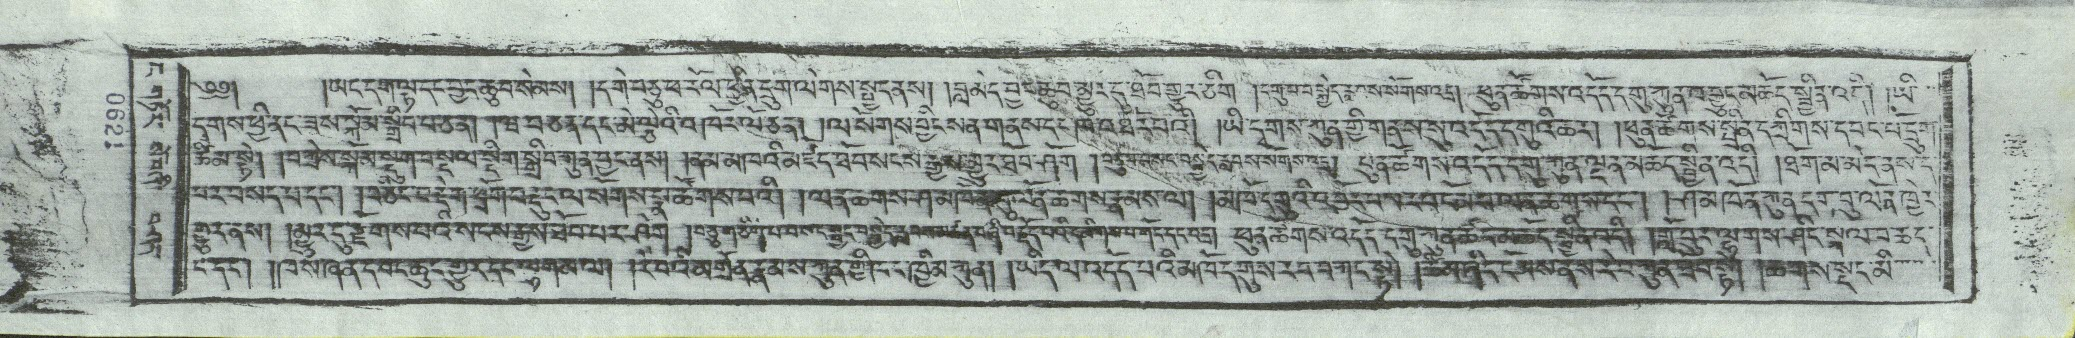༄༅། །ཡང་དག་ལྟ་དང་བྱང་ཆུབ་སེམས། །དགེ་བཅུ་ཕ་རོལ་ཕྱིན་དྲུག་ལེགས་སྤྱད་ནས། །བླ་མེད་བྱང་ཆུབ་མྱུར་དུ་ཐོབ་གྱུར་ཅིག །དགུ་པ་བསྐྱེད་རླབས་སོགས་འདྲ། ཕུན་ཚོགས་འདོད་དགུ་ཀུན་འབྱུང་མཆོད་སྦྱིན་འདི། །ཡི་
དྲགས་ཕྱི་ནང་ཟས་སྐོམ་སྒྲིབ་པ་ཅན། །ཝ་བ་ཅན་དང་མེ་ལྕེའི་འཁོར་ལོ་ཅན། །ལ་སོགས་བྱིངས་ན་གནས་དང་ཁོ་འཐོར་བའི། །ཡི་དྭགས་ཀུན་གྱི་གནས་སུ་འདོད་དགུའི་ཆར། །ཕུན་ཚོགས་སྤྲིན་དཀྲིགས་དབང་པོ་དྲུག་
ཚིམ་སྟེ། །བཀྲེས་སྐོམ་སྡུག་བསྔལ་སྡིག་སྒྲིབ་ཀུན་བྱང་ནས། །ནམ་མཁའི་མཛོད་ཐོབ་སངས་རྒྱས་མྱུར་ཐོབ་ཤོག །བཅུ་བ་བསང་བསྐྱེད་རླབས་སོགས་འདྲ། ཕུན་ཚོགས་འདོད་དགུ་ཀུན་ལྡན་མཆོད་སྦྱིན་འདི། །ཐོག་མ་མེད་ནས་ད་
པར་བསད་པ་དང་། །བཅིང་བརྡེག་ཕྲོག་བརྡུང་ལ་སོགས་སྣ་ཚོགས་པའི། །ལན་ཆགས་ཤ་མཁོན་བུ་ལོན་ཆགས་རྣམས་ལ། །མཁོ་དགུའི་འབྱོར་པས་རབ་ངོམས་ལན་ཆགས་དང་། །ཤ་མཁོན་ཀུན་དག་བུ་ལོན་ཁྱེར་
གྱུར་ནས། །མྱུར་དུ་རྫོགས་པའི་སངས་རྒྱས་ཐོབ་པར་ཤེག །བཅུ་གཅིག་པ་བསད་སྦྱད་བསྐྱེད་རླབས་མཚན་བཞི་བརྗོད་པའི་དམིགས་པ་གོང་དང་འདྲ། ཕུན་ཚོགས་འདོད་དགུ་ཀུན་ཚང་མཆོད་སྦྱིན་འདི། །གློ་བུར་ལྷགས་ཤིང་སྐལ་བ་ཆད་
པ་དང་། །ཁས་ཞན་དབང་ཆུང་གྱུར་དང་ལྷག་མ་ལ། །རི་བའི་མགྲོན་རྣམས་ཀུན་གྱི་ཁང་ཁྱིམ་ཀུན། །ཡིད་ལ་འདོད་པའི་མཁོ་དགུས་རབ་བཀང་སྟེ། །ཚིམ་ཞིང་ངོམས་ནས་རེ་བཀུན་ཐོབ་སྟེ། །ཆགས་སྔད་མི་